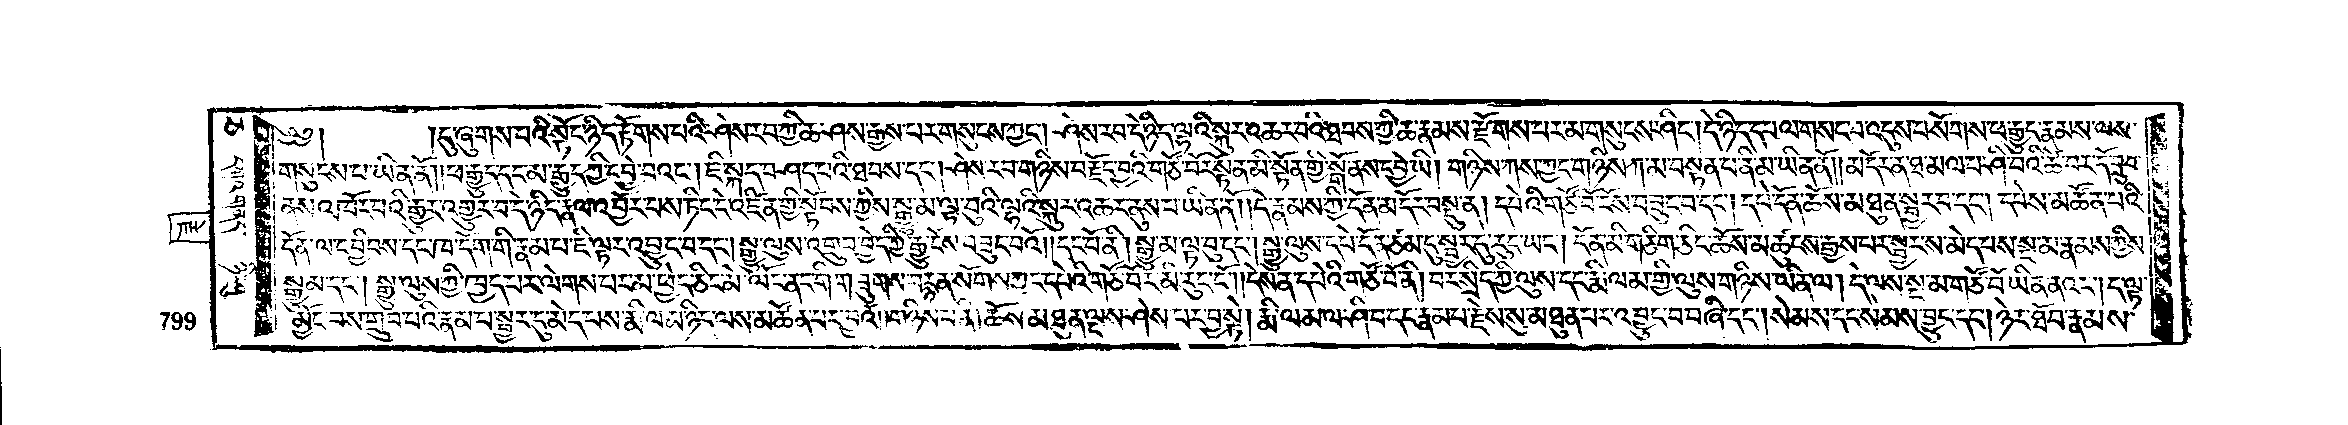༄༅། །དུ་ཞུགས་པའི་སྟོང་ཉིད་རྟོགས་པའི་ཤེས་རབ་ཀྱི་ཆ་ཤས་རྒྱས་པར་གསུངས་ཀྱང་། ཤེས་རབ་དེ་ཉིད་ལྷའི་སྐུར་འཆར་བའི་ཐབས་ཀྱི་ཆ་རྣམས་རྫོགས་པར་མ་གསུངས་ཤིང་། དེ་ཉིད་དཔལ་གསང་བ་འདུས་པ་སོགས་ཕ་རྒྱུད་རྣམས་ལས་
གསུངས་པ་ཡིན་ནོ། །ཕ་རྒྱུད་དང་མ་རྒྱུད་ཀྱི་དབྱེ་བའང་། ཇི་སྐད་བཤད་པའི་ཐབས་དང་། ཤེས་རབ་གཉིས་བརྗོད་བྱའི་གཙོ་བོར་སྟོན་མི་སྟོན་གྱི་སྒོ་ནས་དབྱེ་ཡི། གཉིས་ཀས་ཀྱང་གཉིས་ཀ་མ་བསྟན་པ་ནི་མ་ཡིན་ནོ། །མདོར་ན་ཐ་མལ་པ་ཤི་བའི་ཚེ་བར་དོ་གྲུབ་
ནས་འཁོར་བའི་རྒྱུར་འགྱུར་བ་དེ་ཉིད་རྣལ་འབྱོར་པས་ཏིང་ངེ་འཛིན་གྱི་སྟོབས་ཀྱིས་སྒྱུ་མ་ལྟ་བུའི་ལྷའི་སྐུར་འཆར་ནུས་པ་ཡིན་ནོ། །དེ་རྣམས་ཀྱི་དོན་མདོར་བསྡུ་ན། དཔེའི་གཙོ་བོ་ངོས་བཟུང་བ་དང་། དཔེ་དོན་ཆོས་མཐུན་སྦྱར་བ་དང་། དཔེས་མཚོན་པའི་
དོན་ལ་དབྱིབས་དང་ཁ་དོག་གི་རྣམ་པ་ཇི་ལྟར་འབྱུང་བ་དང་། སྒྱུ་ལུས་འགྲུབ་བྱེད་ཀྱི་རྒྱུ་ངོས་བཟུང་བའོ། །དང་པོ་ནི། སྒྱུ་མ་ལྟ་བུ་དང་། སྒྱུ་ལུས་དཔེ་དོན་ཙམ་དུ་སྦྱར་དུ་རུང་ཡང་། དོན་མི་གཅིག་ཅིང་ཆོས་མཚུངས་རྒྱས་པར་སྦྱར་ས་མེད་པས་སྔ་མ་རྣམས་ཀྱིས་
སྒྱུ་མ་དང་། སྒྱུ་ལུས་ཀྱི་ཁྱད་པར་ལེགས་པར་མ་ཕྱེད་ཅིང་མེ་ལོང་ནང་གི་གཟུགས་བརྙན་སོགས་ཀྱང་དཔེའི་གཙོ་བོར་མི་རུང་ངོ། །དེས་ན་དཔེའི་གཙོ་བོ་ནི། བར་སྲིད་ཀྱི་ལུས་དང་རྨི་ལམ་གྱི་ལུས་གཉིས་ཡིན་ལ། དེ་ལས་སྔ་མ་གཙོ་བོ་ཡིན་ནའང་། ད་ལྟ་
མྱོང་བས་གྲུབ་པའི་རྣམ་པ་སྦྱར་དུ་མེད་པས་རྨི་ལམ་ཉིད་ལས་མཚོན་པར་བྱའོ། །གཉིས་པ་ནི། ཆོས་མཐུན་ལྔས་ཤེས་པར་བྱ་སྟེ། རྨི་ལམ་ལ་ཤི་བ་དང་རྣམ་པ་རྗེས་སུ་མཐུན་པར་འབྱུང་བ་བཞི་དང་། སེམས་དང་སེམས་བྱུང་དང་། ཉེར་ཐོབ་རྣམས་